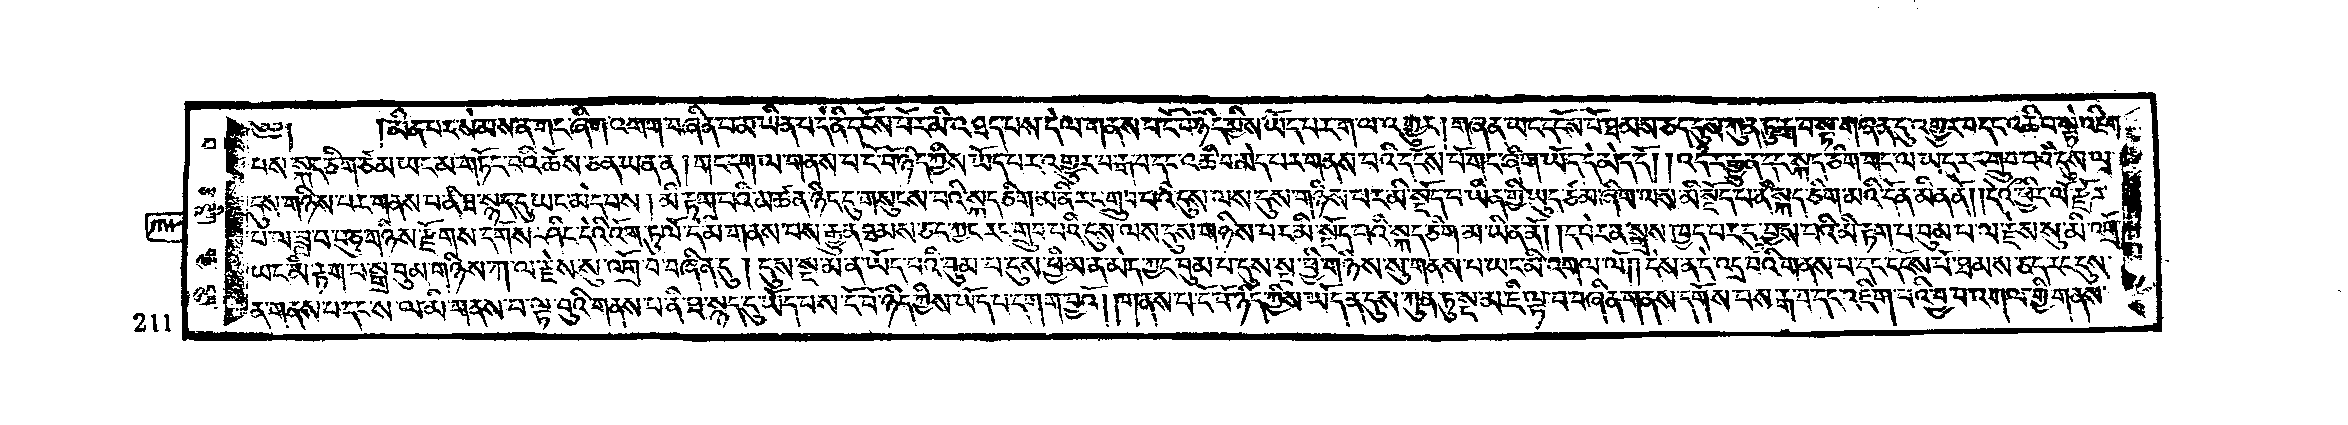༄༅། །མིན་པར་སེམས་ན་གང་ཞིག་འགག་བཞིན་པ་མ་ཡིན་པ་དེ་ནི་དངོས་པོར་མི་འཐད་པས་དེ་ལ་གནས་པ་ངོ་བོ་ཉིད་ཀྱིས་ཡོད་པར་ག་ལ་འགྱུར། གཞན་ཡང་དངོས་པོ་ཐམས་ཅད་དུས་ཀུན་ཏུ་རྒ་བ་སྟེ་གཞན་དུ་འགྱུར་བ་དང་འཆི་བ་སྟེ་འཛིན་
པས་སྐད་ཅིག་ཙམ་ཡང་མ་གཏོང་བའི་ཆོས་ཅན་ཡིན་ན། གང་དག་ལ་གནས་པ་ངོ་བོ་ཉིད་ཀྱིས་ཡོད་པར་འགྱུར་པ་རྒ་བ་དང་འཆི་བ་མེད་པར་གནས་པའི་དངོས་པོ་གང་ཞིག་ཡོད་དེ་མེད་དོ། །འདིར་རྒྱུན་དང་སྐད་ཅིག་གང་ལ་ཡང་རང་གྲུབ་པའི་དུས་ལས་
དུས་གཉིས་པར་གནས་པ་ནི་ཐ་སྙད་དུ་ཡང་མེད་པས། མི་རྟག་པའི་མཆན་ཉིད་དུ་གསུངས་པའི་སྐད་ཅིག་མ་ནི་རང་གྲུབ་པའི་དུས་ལས་དུས་གཉིས་པར་མི་སྡེད་པ་ཡིན་གྱི་ཡུད་ཙམ་ཞིག་ལས་མི་སྡེད་པ་ནི་སྐད་ཅིག་མའི་དོན་མིན་ནོ། །དེའི་ཕྱིར་ལོ་རྫོཌ་
པ་ལ་ཟླ་བ་བཅུ་གཉིས་རྫོགས་དགོས་ཤིང་དེའི་འོག་ཏུ་ལོ་དེ་མི་གནས་པས་རྒྱུན་ཐམས་ཅད་ཀྱང་རང་གྲུབ་པའི་དུས་ལས་དུས་གཉིས་པར་མི་སྡོད་པའི་སྐད་ཅིག་མ་ཡིན་ནོ། །དཔེར་ན་སྒྲས་ཁྱད་པར་དུ་བྱས་པའི་མི་རྟག་པ་བུམ་པ་ལ་རྗེས་སུ་མི་འགྲོ་
ཡང་མི་རྟག་པ་སྒྲ་བུམ་གཉིས་ཀ་ལ་རྗེས་སུ་འགྲོ་བ་བཞིན་དུ། དུས་སྔ་མ་ན་ཡོད་པའི་བུམ་པ་དུས་ཕྱི་མ་ན་མེད་ཀྱང་བུམ་པ་དུས་སྔ་ཕྱི་གཉིས་སུ་གནས་པ་ཡང་མི་འགལ་ལོ། །དེས་ན་དེ་འདྲ་བའི་གནས་པ་དང་དངོས་པོ་ཐམས་ཅད་རང་དུས་
ན་གནས་པ་དང་ས་ལ་མི་གནས་པ་ལྟ་བུའི་གནས་པ་ནི་ཐ་སྙད་དུ་ཡོད་པས་ངོ་བོ་ཉིད་ཀྱིས་ཡོད་པ་དགག་བྱའོ། །གནས་པ་ངོ་བོ་ཉིད་ཀྱིས་ཡོད་ན་དུས་ཀུན་ཏུ་སྔ་མ་ཇི་ལྟ་བ་བཞིན་གནས་དགོས་པས་རྒ་བ་དང་འཇིག་པའི་བྱ་བ་འགལ་གྱི་གནས་པ་